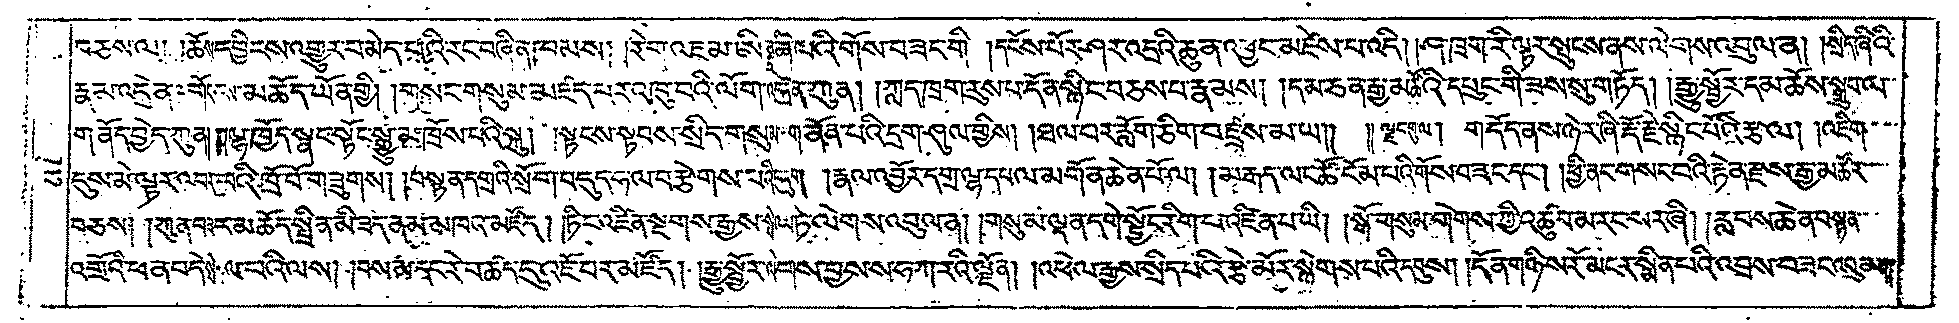བཅས་ལ། །ཆོས་དབྱིངས་འགྱུར་བ་མེད་པའི་རང་བཞིན་ཁམས། །རེག་འཇམ་ཨིནྡྲ་ནི་ལའི་གོས་བཟང་གི །དངོས་པོར་ཤར་འདྲའི་ཆུན་འཕྱང་མཛེས་པ་འདི། །ཤ་ཁྲག་རི་ལྟར་སྤུངས་ནས་ལེགས་འབུལ་ན། །སྲིད་ཞིའི་
རྣམ་འདྲེན་༧གོང་ས་མཆོད་ཡོན་གྱི། །གསང་གསུམ་མཛད་པར་འཁུ་བའི་ལོག་འདྲེན་ཀུན། །ཀླད་ཁྲག་རུས་པ་དོན་སྙིང་བཅས་པ་རྣམས། །དམ་ཅན་རྒྱ་མཚོའི་དཔུང་གི་ཟས་སུ་གཏོད། །རྒྱུ་སྦྱོར་དམ་ཆོས་སྒྲུབ་ལ་
གནོད་བྱེད་ཀུན། །ལྷ་ཁྱོད་སྣང་སྟོང་སྒྱུ་མ་ཁྲོས་པའི་སྐུ། །སྟངས་སྟབས་སྲིད་གསུམ་གནོན་པའི་དྲག་ཤུལ་གྱིས། །ཐལ་བར་རློག་ཅིག་བཛྲ་ས་མ་ཡ།། །། ལྗང་གུ་ལ།  གདོད་ནས་ཉེར་ཞི་རྡོ་རྗེ་སྙིང་པོའི་རྩལ། །འཇིག་
དུས་མེ་ལྟར་འབར་བའི་ཁྲོ་བོ་གཟུགས། །བསྟན་དགྲའི་སྲོག་བདུད་ཧ་ལ་བརྩེགས་པའི་དུག །རྣལ་འབྱོར་དགྲ་ལྷ་དཔལ་མགོན་ཆེན་པོ་ལ། །མརྒད་ལང་ཚོ་ངོམ་པའི་གོས་བཟང་དང་། །ཕྱི་ནང་གསང་བའི་རྟེན་རྫས་རྒྱ་མཚོར་
བཅས། །ཀུན་བཟང་མཆོད་སྤྲིན་མི་ཟད་ནམ་མཁའ་མཛོད། །ཏིང་འཛིན་སྔགས་རྒྱས་སྤེལ་ཏེ་ལེགས་འབུལ་ན། །གསུམ་ལྡན་དགེ་སྦྱོང་རིག་པ་འཛིན་པ་ཡི། །སྒོ་གསུམ་གེགས་ཀྱི་འཚུབ་མ་རང་སར་ཞི། །རླབས་ཆེན་བསྟན་
འགྲོའི་ཕན་བདེ་སྤེལ་བའི་ལས། །བསམ་དང་རེ་བ་ཚད་དུ་འཇོ་བར་མཛོད། །རྒྱུ་སྦྱོར་ལེགས་བྱས་ས་ཧ་ཀ་རའི་ལྗོན། །འཕེལ་རྒྱས་སྲིད་པའི་རྩེ་མོར་སྙེགས་པའི་དབུས། །དོན་གཉིས་རོ་མངར་སྨིན་པའི་འབྲས་བཟང་འབུམ། །